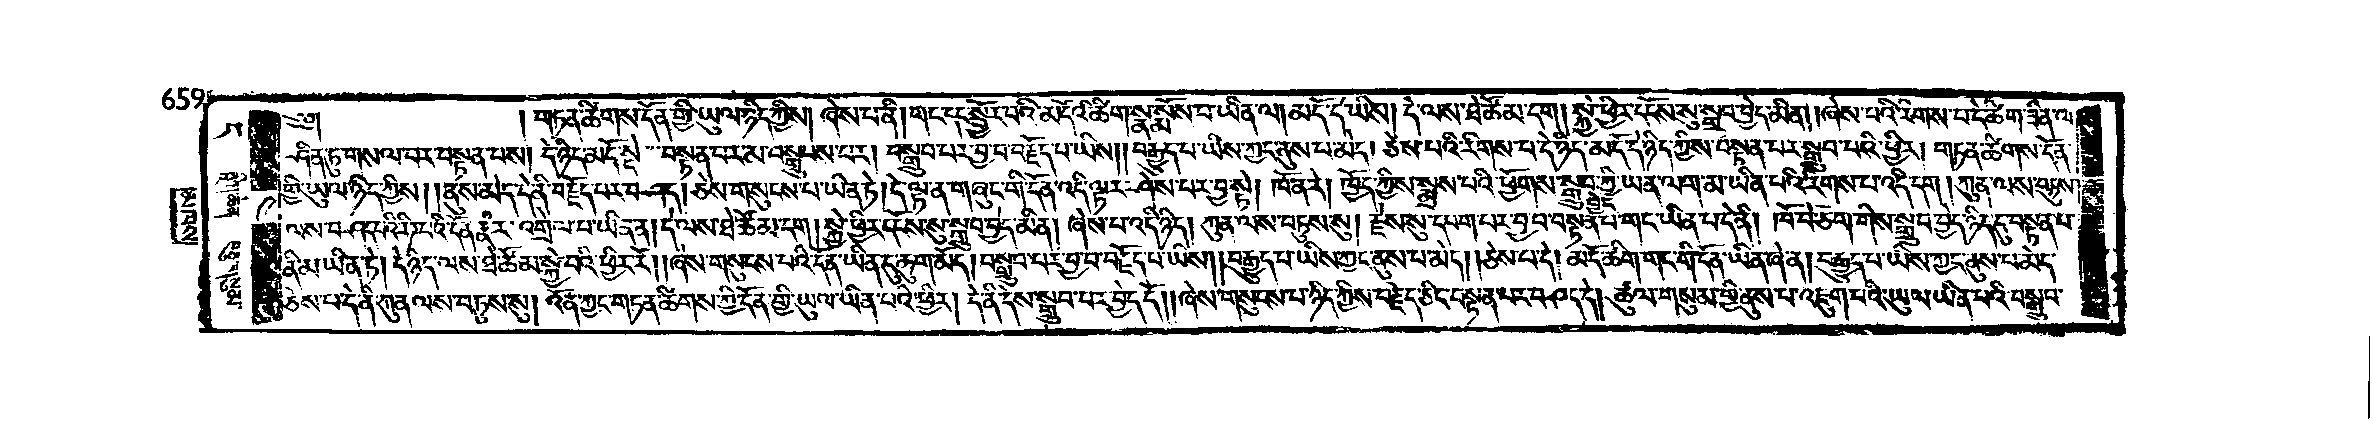༄༅། །གཏན་ཚིགས་དོན་གྱི་ཡུལ་ཉིད་ཀྱིས། ཞེས་པ་ནི། གང་དང་སྦྱོར་བའི་མདོའི་ཚིག་སྣ་སྨོས་པ་ཡིན་ལ། མདོ་དེ་ཡིས། དེ་ལས་ཐེ་ཚོམ་དག། སྐྱེ་ཕྱིར་དངོས་སུ་སྒྲུབ་བྱེད་མིན། ཞེས་པའི་རིགས་པ་དེ་ཚིག་ཟིན་ལ་
ཤིན་ཏུ་གསལ་བར་བསྟན་པས། དེ་ཉིད་མདོ་སྡེ་བསྟན་པར་མ་བསྒྲུབས་པར། བསྒྲུབ་པར་བྱ་བ་བརྗོད་པ་ཡིས། །བརྒྱུད་པ་ཡིས་ཀྱང་ནུས་པ་མེད། ཅེས་པའི་རིགས་པ་དེ་ཉིད་མདོ་དེ་ཉིད་ཀྱིས་བསྟན་པར་སྒྲུབ་པའི་ཕྱིར། གཏན་ཚིགས་དོན་
གྱི་ཡུལ་ཉིད་ཀྱིས། །ནུས་མེད་དེ་ནི་བརྗོད་པར་བཤད། ཅེས་གསུངས་པ་ཡིན་ཏེ། དེ་ལྟ་ན་གཞུང་གི་དོན་འདི་ལྟར་ཤེས་པར་བྱ་སྟེ། ཁོ་ན་རེ། ཁྱོད་ཀྱིས་སྨྲས་པའི་ཕྱོགས་སྒྲུབ་བྱེད་ཀྱི་ཡན་ལག་མ་ཡིན་པའི་རིགས་པ་འདི་དག། ཀུན་ལས་བཏུས་
ལས་བཤད་པའི་རིགས་པའི་དོན་རྣམས་འགྲེལ་བ་ཡིན་ན། དེ་ལས་ཐེ་ཚོམ་དག། སྐྱེ་ཕྱིར་དངོས་སུ་སྒྲུབ་བྱེད་མིན། ཞེས་པ་འདི་ཉིད། ཀུན་ལས་བཏུས་སུ། རྗེས་སུ་དཔག་པར་བྱ་བ་བསྟན་པ་གང་ཡིན་པ་དེ་ནི། ཁོ་བོ་ཅག་གིས་སྒྲུབ་བྱེད་ཉིད་དུ་བསྟན་པ་
ནི་མ་ཡིན་ཏེ། དེ་ཉིད་ལས་ཐེ་ཚོམ་སྐྱེ་བའི་ཕྱིར་རོ། །ཞེས་གསུངས་པའི་དོན་ཡིན་དུ་ཆུག་མོད། བསྒྲུབ་པར་བྱ་བ་བརྗོད་པ་ཡིས། །བརྒྱུད་པ་ཡིས་ཀྱང་ནུས་པ་མེད། །ཅེས་པ་དེ། མདོ་ཚིག་གང་གི་དོན་ཡིན་ཞེ་ན། བརྒྱུད་པ་ཡིས་ཀྱང་ནུས་པ་མེད་
ཅེས་པ་དེ་ནི་ཀུན་ལས་བཏུས་སུ། འོན་ཀྱང་གཏན་ཚིགས་ཀྱི་དོན་གྱི་ཡུལ་ཡིན་པའི་ཕྱིར། དེ་ནི་དེས་སྒྲུབ་པར་བྱེད་དོ། །ཞེས་གསུངས་པ་ཉིད་ཀྱིས་བརྗོད་ཅིང་བསྟན་པར་བཤད་དེ། ཚུལ་གསུམ་གྱི་ནུས་པ་འཇུག་པའི་ཡུལ་ཡིན་པའི་བསྒྲུབ་